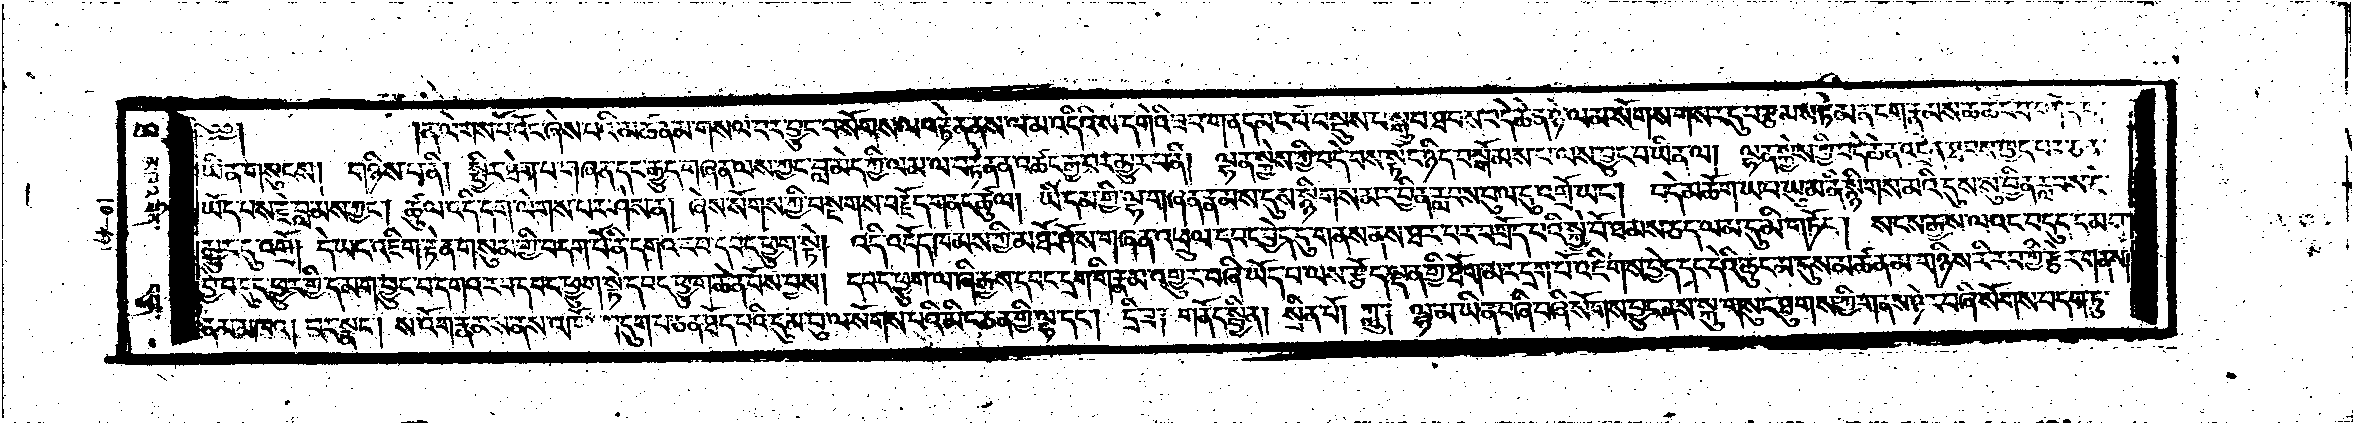༄༅། །ན་ལེགས་བོ་འོང་ཞེས་པའི་མཚན་མ་གསལ་བར་བྱུང་བ་སོགས་ལ་བརྟེན་ནས་ལམ་འདིའི་ས་དགེའི་ཟབ་གནད་མང་པོ་བསྡུས་པ་སྒྲུབ་ཐབས་བདེ་ཆེན་ཉེ་ལམ་སོགས་གསར་དུ་བརྩམས་ཏེ་མན་ངག་རྣམས་ཆ་ཚང་བ་བཀོད་པ་
ཡིན་གསུངས། གཉིས་པ་ནི། སྤྱིར་ཐེག་པ་གཞན་དང་རྒྱུད་གཞན་ལས་ཀྱང་བླ་མེད་ཀྱི་ལམ་ལ་བརྟེན་ན་འཚང་རྒྱ་བར་མྱུར་བ་ནི། ལྷན་སྐྱེས་ཀྱི་བདེ་བས་སྟོང་ཉིད་བསྒོམས་པ་ལས་བྱུང་བ་ཡིན་ལ། ལྷན་སྐྱེས་ཀྱི་བདེ་ཆེན་འདྲེན་ཐབས་ཁྱད་པར་ཅན་
ཡོད་པས་རྗེ་བླ་མས་ཀྱང་། ཚུལ་འདི་དག་ལེགས་པར་ཤེས་ན། ཞེས་སོགས་ཀྱི་བསྔགས་བརྗོད་གནང་ཚུལ། ཡི་དམ་གྱི་ལྷ་གཞན་རྣམས་དུས་སྙིགས་མར་བྱིན་རླབས་བུལ་དུ་འགྲོ་ཡང་། བདེ་མཆོག་ཡབ་ཡུམ་ནི་སྙིགས་མའི་དུས་སུ་བྱིན་རླབས་ཇེ་
མྱུར་དུ་འགྲོ། དེ་ཡང་འཇིག་རྟེན་གསུམ་གྱི་བདག་པོ་ནི་དགའ་རབ་དབང་ཕྱུག་སྟེ། འདི་འདོད་ཁམས་ཀྱི་མཐོ་ཤོས་གཞན་འཕྲུལ་དབང་བྱེད་དུ་གནས་ནས་ཐར་པར་བགྲོད་པའི་སྐྱེ་བོ་ཐམས་ཅད་ལམ་དུ་མི་གཏོང་། སངས་རྒྱས་ལའང་བདུད་དམག་
བྱེ་བ་དུད་ཕྱུརྒྱི་དམག་བྱུང་བ་དགའ་རབ་དབང་ཕྱུག་སྟེ་དབང་ཕྱུག་ཆེན་པོས་བྱས། དབང་ཕྱུག་ལ་ཞི་རྒྱས་དབང་དྲག་གི་རྣམ་འགྱུར་བཞི་ཡོད་པ་ལས་རྩོད་ལྡན་གྱི་ཐོག་མར་དྲག་པོ་འཇིགས་བྱེད་དང་དེའི་ཆུད་མ་དུས་མཚན་མ་གཉིས་རི་རབ་ཀྱི་རྩེར་གནས།
ནམ་མཁའ། བར་སྣང་། ས་འོག་རྣམས་ནས་འཁོར་གདུག་པ་ཅན་ཐོད་པའི་དུམ་བུ་ལ་སོགས་པའི་མིང་ཅན་གྱི་ལྷ་དང་། དྲི་ཟ༑ གནོད་སྦྱིན། སྲིན་པོ། ཀླུ༑ ལྷ་མ་ཡིན་བཞི་བཞི་སོགས་བྱུང་ནས་སྐུ་གསུང་ཐུགས་ཀྱི་གནས་ཉེར་བཞི་སོགས་བདག་ཏུ་